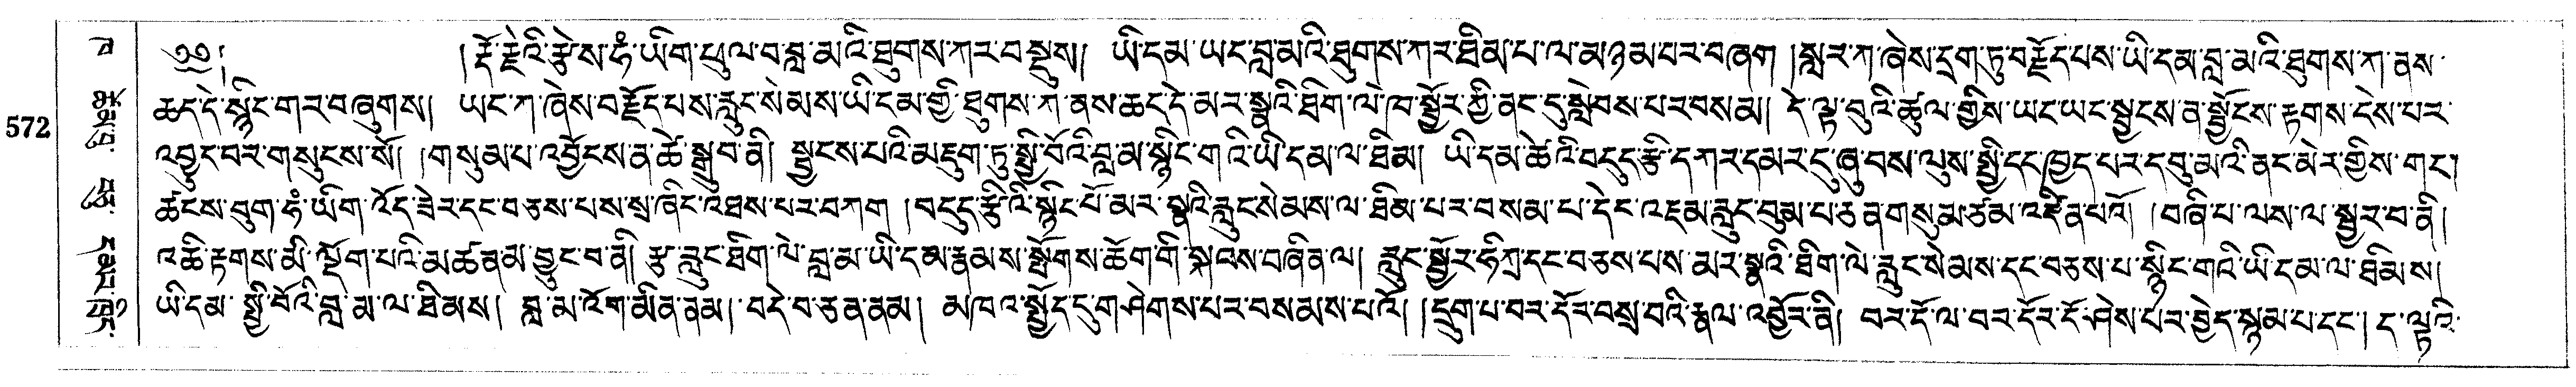༄༅། །རྡོ་རྗེའི་རྩེས་ཧཾ་ཡིག་ཕུལ་བ་བླ་མའི་ཐུགས་ཀར་བསྡུས། ཡི་དམ་ཡང་བླ་མའི་ཐུགས་ཀར་ཐིམ་པ་ལ་མཉམ་པར་བཞག །སླར་ཀ་ཞེས་དྲག་ཏུ་བརྗོད་པས་ཡི་དམ་བླ་མའི་ཐུགས་ཀ་ནས་
ཆད་དེ་སྙིང་གར་བཞུགས། ཡང་ཀ་ཞེས་བརྗོད་པས་རླུང་སེམས་ཡི་དམ་གྱི་ཐུགས་ཀ་ནས་ཆད་དེ་མར་སྣའི་ཐིག་ལེ་ཁ་སྦྱོར་ཀྱི་ནང་དུ་སླེབས་པར་བསམ། དེ་ལྟ་བུའི་ཚུལ་གྱིས་ཡང་ཡང་སྦྱངས་ན་སྦྱོངས་རྟགས་ངེས་པར་
འབྱུང་བར་གསུངས་སོ། །གསུམ་པ་འབྱོངས་ན་ཚེ་སྒྲུབ་ནི། སྦྱངས་པའི་མཇུག་ཏུ་སྤྱི་བོའི་བླ་མ་སྙིང་གའི་ཡི་དམ་ལ་ཐིམ། ཡི་དམ་ཚེའི་བདུད་རྩི་དཀར་དམར་དུ་ཞུ་བས་ལུས་སྤྱི་དང་ཁྱད་པར་དབུ་མའི་ནང་མེར་གྱིས་གང་།
ཚངས་བུག་ཧཾ་ཡིག་འོད་ཟེར་དང་བཅས་པས་སྲ་ཞིང་འཐས་པར་བཀག །བདུད་རྩིའི་སྙིང་པོ་མར་སྣའི་རླུང་སེམས་ལ་ཐིམ་པར་བསམ་པ་དེང་འཇམ་རླུང་བུམ་པ་ཅན་གསུམ་ཙམ་འཛིན་པའོ། །བཞི་པ་ལས་ལ་སྦྱར་བ་ནི།
འཆི་རྟགས་མི་ལྡོག་པའི་མཚན་མ་བྱུང་བ་ནི། རྩ་རླུང་ཐིག་ལེ་བླ་མ་ཡི་དམ་རྣམས་སྤོགས་ཆོག་གི་སྐབས་བཞིན་ལ། རླུང་སྦྱོར་ཧི་ཀྲ་དང་བཅས་པས་མར་སྣའི་ཐིག་ལེ་རླུང་སེམས་དང་བཅས་པ་སྙིང་གའི་ཡི་དམ་ལ་ཐིམས།
ཡི་དམ་སྤྱི་བོའི་བླ་མ་ལ་ཐིམས། བླ་མ་འོག་མིན་ནམ། བདེ་བ་ཅན་ནམ། མཁའ་སྤྱོད་དུ་གཤེགས་པར་བསམས་པའོ། །དྲུག་པ་བར་དོར་བསྲ་བའི་རྣལ་འབྱོར་ནི། བར་དོ་ལ་བར་དོར་ངོ་ཤེས་པར་བྱེད་སྙམ་པ་དང་། ད་ལྟའི་